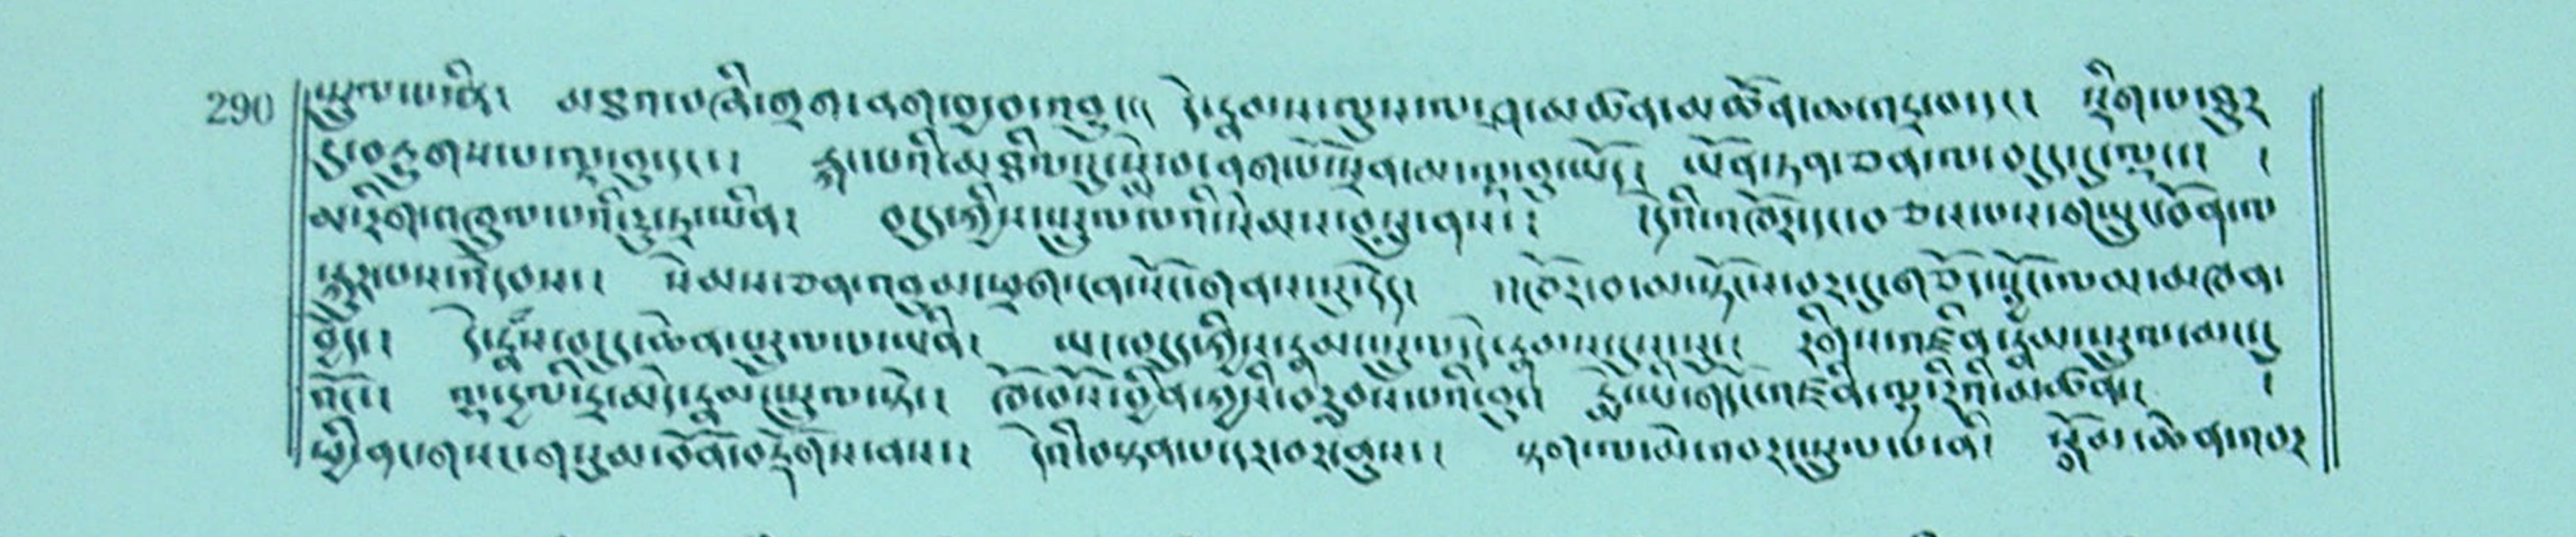སྤྲུལ་པ་ནི། མཐའ་བཞི་གྲགས་ནག་བྱ་བ་འབྱུང་། དེ་རྣམས་ལུས་ལ་ཤ་མཚན་མཚོན་ཆ་འདྲ་བ་དང་། སྡིག་པ་ཐུར་
དུ་རྒྱུག་པ་ལྟ་བུ་དང་། རྐང་པའི་འཐིལ་དུ་སྨེ་བ་ནག་པོ་སྲན་མ་ལྟ་བུ་ཡོད། ཡོན་ཏན་ཅན་ལ་བདུད་དུ་ལྡང་། 
མ་རིག་འཁྲུལ་པའི་རུ་ཏྲ་ཡིན། བདུད་ཀྱིས་སྤྲུལ་པའི་སེམས་བསླུས་ནས། དེའི་འཁོར་དང་བཅས་པས་གཡུང་དྲུང་བོན་ལ་
སྐུར་བས་འདེབས། སེམས་ཅན་འབུམ་ཕྲག་ངན་སོང་གནས་སུ་དེད། འཁོར་བ་མ་སྟོངས་བར་དུ་གཅོད་སྦྱོང་ལམ་མཁན་
བྱེད། དེ་རྣམས་བདུད་ཆེན་སྤྲུལ་པ་ཡིན། ཡང་བདུད་ཀྱི་སྤྲུལ་པ་དེ་རྣམས་བྱུ་དུས་སུ། རིགས་འཛིན་རྣམ་སྤྲུལ་མང་དུ་
འོང་། ལྷ་རྒྱལ་དྲི་མེད་རྣམ་སྤྲུལ་སྟེ། ཁོ་བོས་བྱིན་གྱིས་རླབས་པའི་བུ། རྨེ་ཡི་གདུང་འཛིན་ལྷ་རིའི་མཚན། 
ཕྱི་ནང་གསང་གསུམ་བོན་བརྟོགས་ནས། དེ་ཡིས་བསྟན་པ་དར་བར་ནུས། སྟག་ལྷ་མེ་འབར་སྤྲུལ་པ་ནི། སྒོམ་ཆེན་འབར་